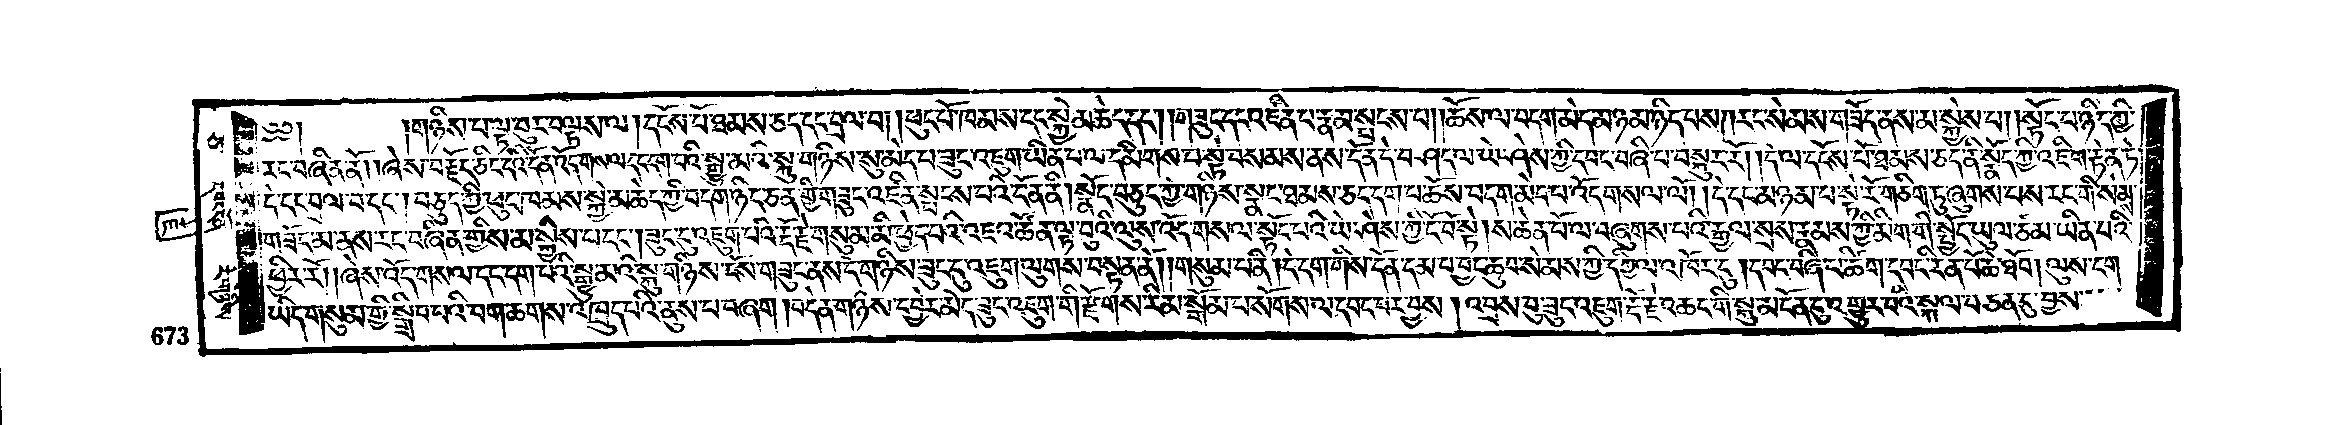༄༅། །གཉིས་པ་ལྟ་བུར་བལྟས་ལ། དངོས་པོ་ཐམས་ཅད་དང་བྲལ་བ། །ཕུང་པོ་ཁམས་དང་སྐྱེ་མཆེད་དང་། །གཟུང་དང་འཛིན་པ་རྣམ་སྤངས་བ། །ཆོས་ལ་བདག་མེད་མཉམ་ཉིད་པས། །རང་སེམས་གཟོད་ནས་མ་སྐྱེས་པ། །སྟོང་པ་ཉིད་ཀྱི་
རང་བཞིན་ནོ། །ཞེས་བརྗོད་ཅིང་དེའི་དོན་འོད་གསལ་དང་དག་པའི་སྒྱུ་མའི་སྐུ་གཉིས་སུ་མེད་པ་ཟུང་འཇུག་ཡིན་པ་ལ་དམིགས་པ་སྟེ་བསམས་ནས་དོན་དེ་བཤད་ལ་ཡེ་ཤེས་ཀྱི་དབང་བཞི་པ་བསྐུར་རོ། །དེ་ལ་དངོས་པོ་ཐམས་ཅད་ནི་སྣོད་ཀྱི་འཇིག་རྟེན་ཏེ་
དེ་དང་བྲལ་བ་དང་། བཅུད་ཀྱི་ཕུང་ཁམས་སྐྱེ་མཆེད་ཀྱི་བདག་ཉིད་ཅན་གྱི་གཟུང་འཛིན་སྤངས་པའི་དོན་ནི། སྣོད་བཅུད་ཀྱི་གཉིས་སྣང་ཐམས་ཅད་དག་པ་ཆོས་བདག་མེད་པ་འོད་གསལ་ལོ། །དེ་དང་མཉམ་པ་སྟེ་རོ་གཅིག་ཏུ་ཞུགས་པས་རང་གི་སེམས་
གཟོད་མ་ནས་རང་བཞིན་གྱིས་མ་སྐྱེས་པ་དང་། ཟུང་དུ་འཇུག་པའི་རྡོ་རྗེ་གསུམ་མི་ཕྱེད་པའི་འཇའ་ཚོན་ལྟ་བུའི་ལུས་འོད་གསལ་སྟོང་པའི་ཡེ་ཤེས་ཀྱི་ངོ་བོ་སྟེ། ས་ཆེན་པོ་ལ་བཞུགས་པའི་རྒྱལ་སྲས་རྣམས་ཀྱི་མིག་གི་སྤྱོད་ཡུལ་ཙམ་ཡིན་པའི་
ཕྱིར་རོ། །ཞེས་འོད་གསལ་དང་དག་པའི་སྒྱུ་མའི་སྐུ་གཉིས་ངོས་གཟུང་ནས་དེ་གཉིས་ཟུང་དུ་འཇུག་ལུགས་བསྟན་ནོ། །གསུམ་པ་ནི། དེ་དག་གིས་དོན་དམ་པ་བྱང་ཆུབ་སེམས་ཀྱི་དཀྱིལ་འཁོར་དུ། དབང་བཞི་པ་ཚིག་དབང་རིན་པོ་ཆེ་ཐོབ། ལུས་ངག་
ཡིད་གསུམ་གྱི་སྒྲིབ་པའི་བག་ཆགས་འཁྲུད་པའི་ནུས་པ་བཞག །བདེན་གཉིས་དབྱེར་མེད་ཟུང་འཇུག་གི་རྫོགས་རིམ་སྒོམ་པ་སོགས་ལ་དབང་བར་བྱས། འབྲས་བུ་ཟུང་འཇུག་རྡོ་རྗེ་འཆང་གི་སྐུ་མངོན་དུ་འགྱུར་བའི་སྐལ་བ་ཅན་དུ་བྱས་